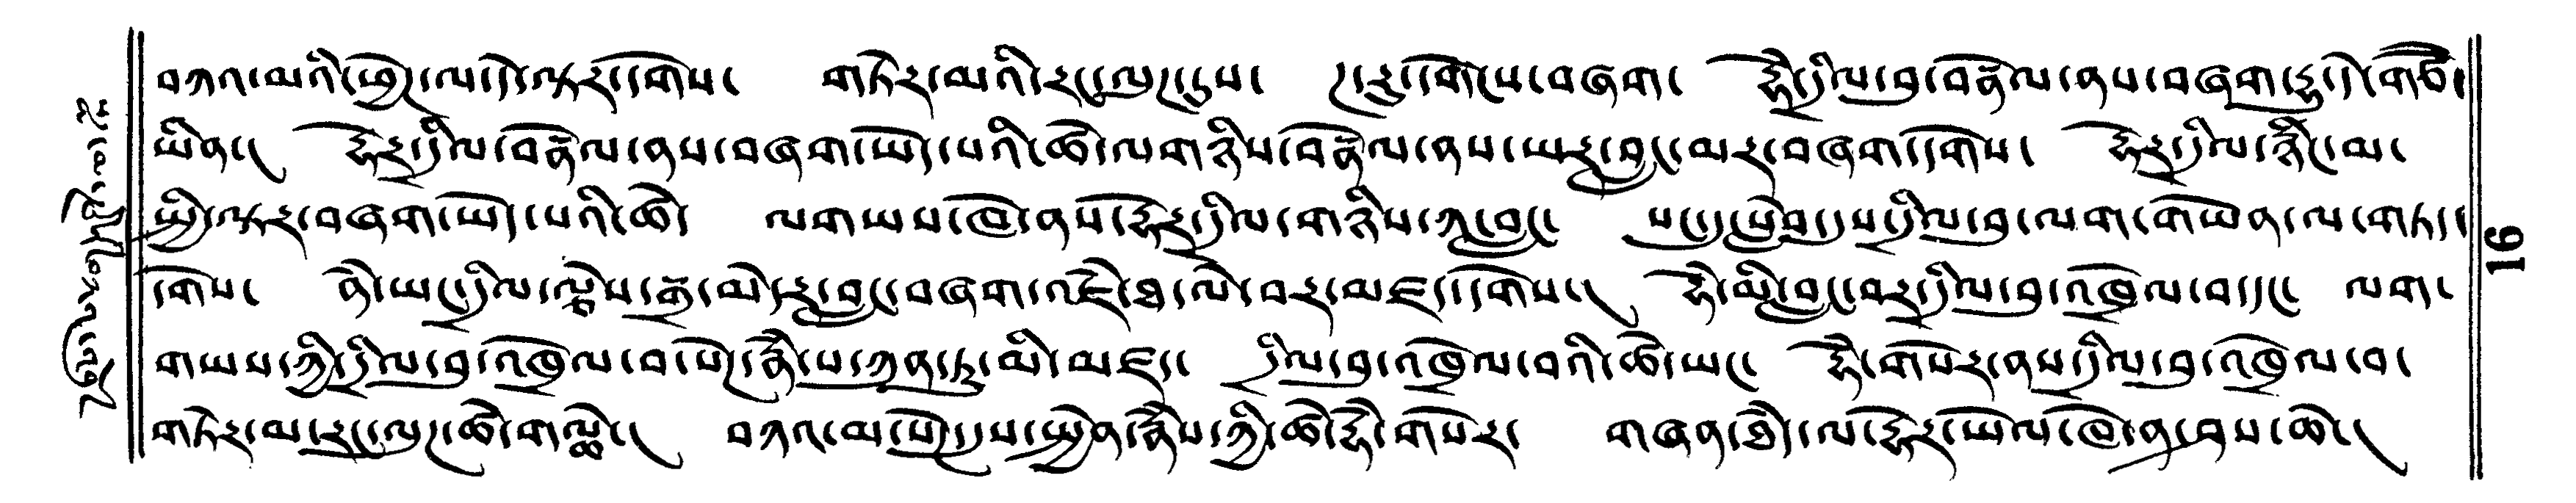བཀའ་མ་ཕྱོགས་ལ་དེ་ལྟར་དགོས། གཏེར་མའི་རང་ལུགས་དུས། ཌཱ་རུ་དགོངས་བཞག རྡོ་རྗེ་དྲིལ་བུ་བསྣོལ་ནས་བཞག་རྒྱུ་དེ་གཙོ་བོ་
ཡིན། རྡོར་དྲིལ་བསྣོལ་ནས་བཞག་ཡོད་པའི་ཚེ་ལག་གཉིས་བསྣོལ་ནས་ཡར་བླང་མར་བཞག་དགོས། རྡོར་དྲིལ་རྙིང་མ་
སྤྱི་ལྟར་བཞག་ཡོད་པའི་ཚེ། ལག་གཡས་ཁོ་ནས་རྡོར་དྲིལ་གཉིས་ཀ་བླང་། པང་དུ་སླེབ་དུས་དྲིལ་བུ་ལག་གཡོན་ལ་གཏད་
དགོས། ནམ་ཡང་དྲིལ་ལྕེས་སྒྲ་མེད་པར་བླང་བཞག་འཇམ་ཐ་ལེ་བར་མཛད་དགོས། རྡོ་རྗེ་མ་བླངས་བར་དྲིལ་བུ་འཁྲོལ་བ་དང་། ལག་
གཡས་ཀྱི་དྲིལ་བུ་འཁྲོལ་བ་སོགས་རྣམ་པ་ཀུན་ཏུ་མི་མཛད། དྲིལ་བུ་འཁྲོལ་བའི་ཚེ་ཡང་། རྡོ་རྗེ་གསོར་ནས་དྲིལ་བུ་འཁྲོལ་བ་
གཏེར་མ་རང་ལུགས་ཚེ་གལ་ཆེ། བཀའ་མ་སོགས་དུས་སྤྱན་འདྲེན་རྣམས་ཀྱི་ཚེ་རྡོ་རྗེ་གསོར། གཞན་ཐམས་ཅད་ལ་རྡོར་ཡོལ་ཁོ་ན་ཤས་ཆེ།